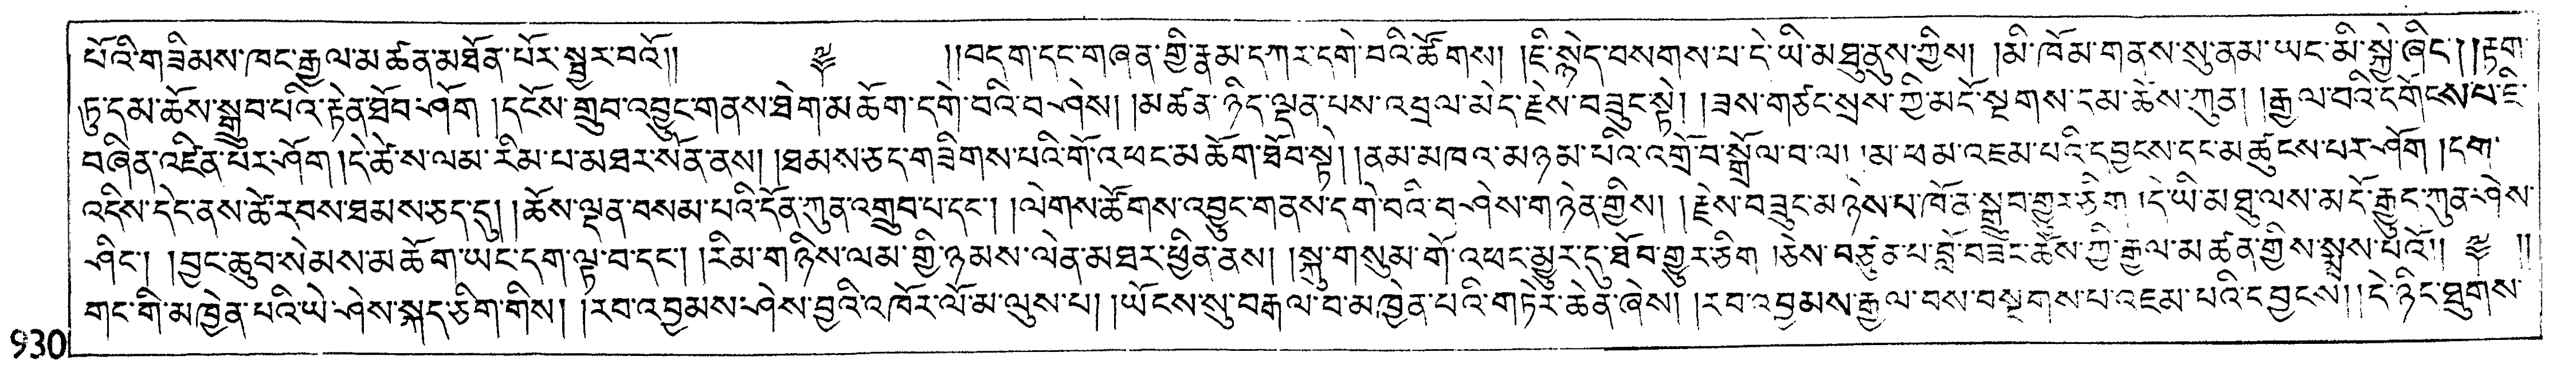པོའི་གཟིམས་ཁང་རྒྱལ་མཚན་མཐོན་པོར་སྦྱར་བའོ།། ༈ །།བདག་དང་གཞན་གྱི་རྣམ་དཀར་དགེ་བའི་ཚོགས། །ཇི་སྙེད་བསགས་པ་དེ་ཡི་མཐུ་ནུས་ཀྱིས། །མི་ཁོམ་གནས་སུ་ནམ་ཡང་མི་སྐྱེ་ཞིང་། །རྟག་
ཏུ་དམ་ཆོས་སྒྲུབ་པའི་རྟེན་ཐོབ་ཤོག །དངོས་གྲུབ་འབྱུང་གནས་ཐེག་མཆོག་དགེ་བའི་བཤེས། །མཚན་ཉིད་ལྡན་པས་འབྲལ་མེད་རྗེས་བཟུང་སྟེ། །ཟས་གཙང་སྲས་ཀྱི་མདོ་སྔགས་དམ་ཆོས་ཀུན། །རྒྱལ་བའི་དགོངས་པ་ཇི་
བཞིན་འཛིན་པར་ཤོག །དེ་ཚེ་ས་ལམ་རིམ་པ་མཐར་སོན་ནས། ། །ཐམས་ཅད་གཟིགས་པའི་གོ་འཕང་མཆོག་ཐོབ་སྟེ། །ནམ་མཁའ་མཉམ་པའི་འགྲོ་བ་སྒྲོལ་བ་ལ། །མ་ཕམ་འཇམ་པའི་དབྱངས་དང་མཚུངས་པར་ཤོག །དག་
འདིས་དེང་ནས་ཚེ་རབས་ཐམས་ཅད་དུ། །ཆོས་ལྡན་བསམ་པའི་དོན་ཀུན་འགྲུབ་པ་དང་། །ལེགས་ཚོགས་འབྱུང་གནས་དགེ་བའི་བཤེས་གཉེན་གྱིས། །རྗེས་བཟུང་མཉེས་པ་ཁོ་ན་སྒྲུབ་གྱུར་ཅིག །དེ་ཡི་མཐུ་ལས་མདོ་རྒྱུད་ཀུན་ཤེས་
ཤིང་། །བྱང་ཆུབ་སེམས་མཆོག་ཡང་དག་ལྟ་བ་དང་། །རིམ་གཉིས་ལམ་གྱི་ཉམས་ལེན་མཐར་ཕྱིན་ནས། །སྐུ་གསུམ་གོ་འཕང་མྱུར་དུ་ཐོབ་གྱུར་ཅིག །ཅེས་བཙུན་པ་བློ་བཟང་ཆོས་ཀྱི་རྒྱལ་མཚན་གྱིས་སྨྲས་པའོ།། ༈ །།
གང་གི་མཁྱེན་པའི་ཡེ་ཤེས་སྐད་ཅིག་གིས། །རབ་འབྱམས་ཤེས་བྱའི་འཁོར་ལོ་མ་ལུས་པ། །ཡོངས་སུ་བརྒལ་བ་མཁྱེན་པའི་གཏེར་ཆེན་ཞེས། །རབ་འབྱམས་རྒྱལ་བས་བསྔགས་པ་འཇམ་པའི་དབྱངས། །དེ་ཉིད་ཐུགས་